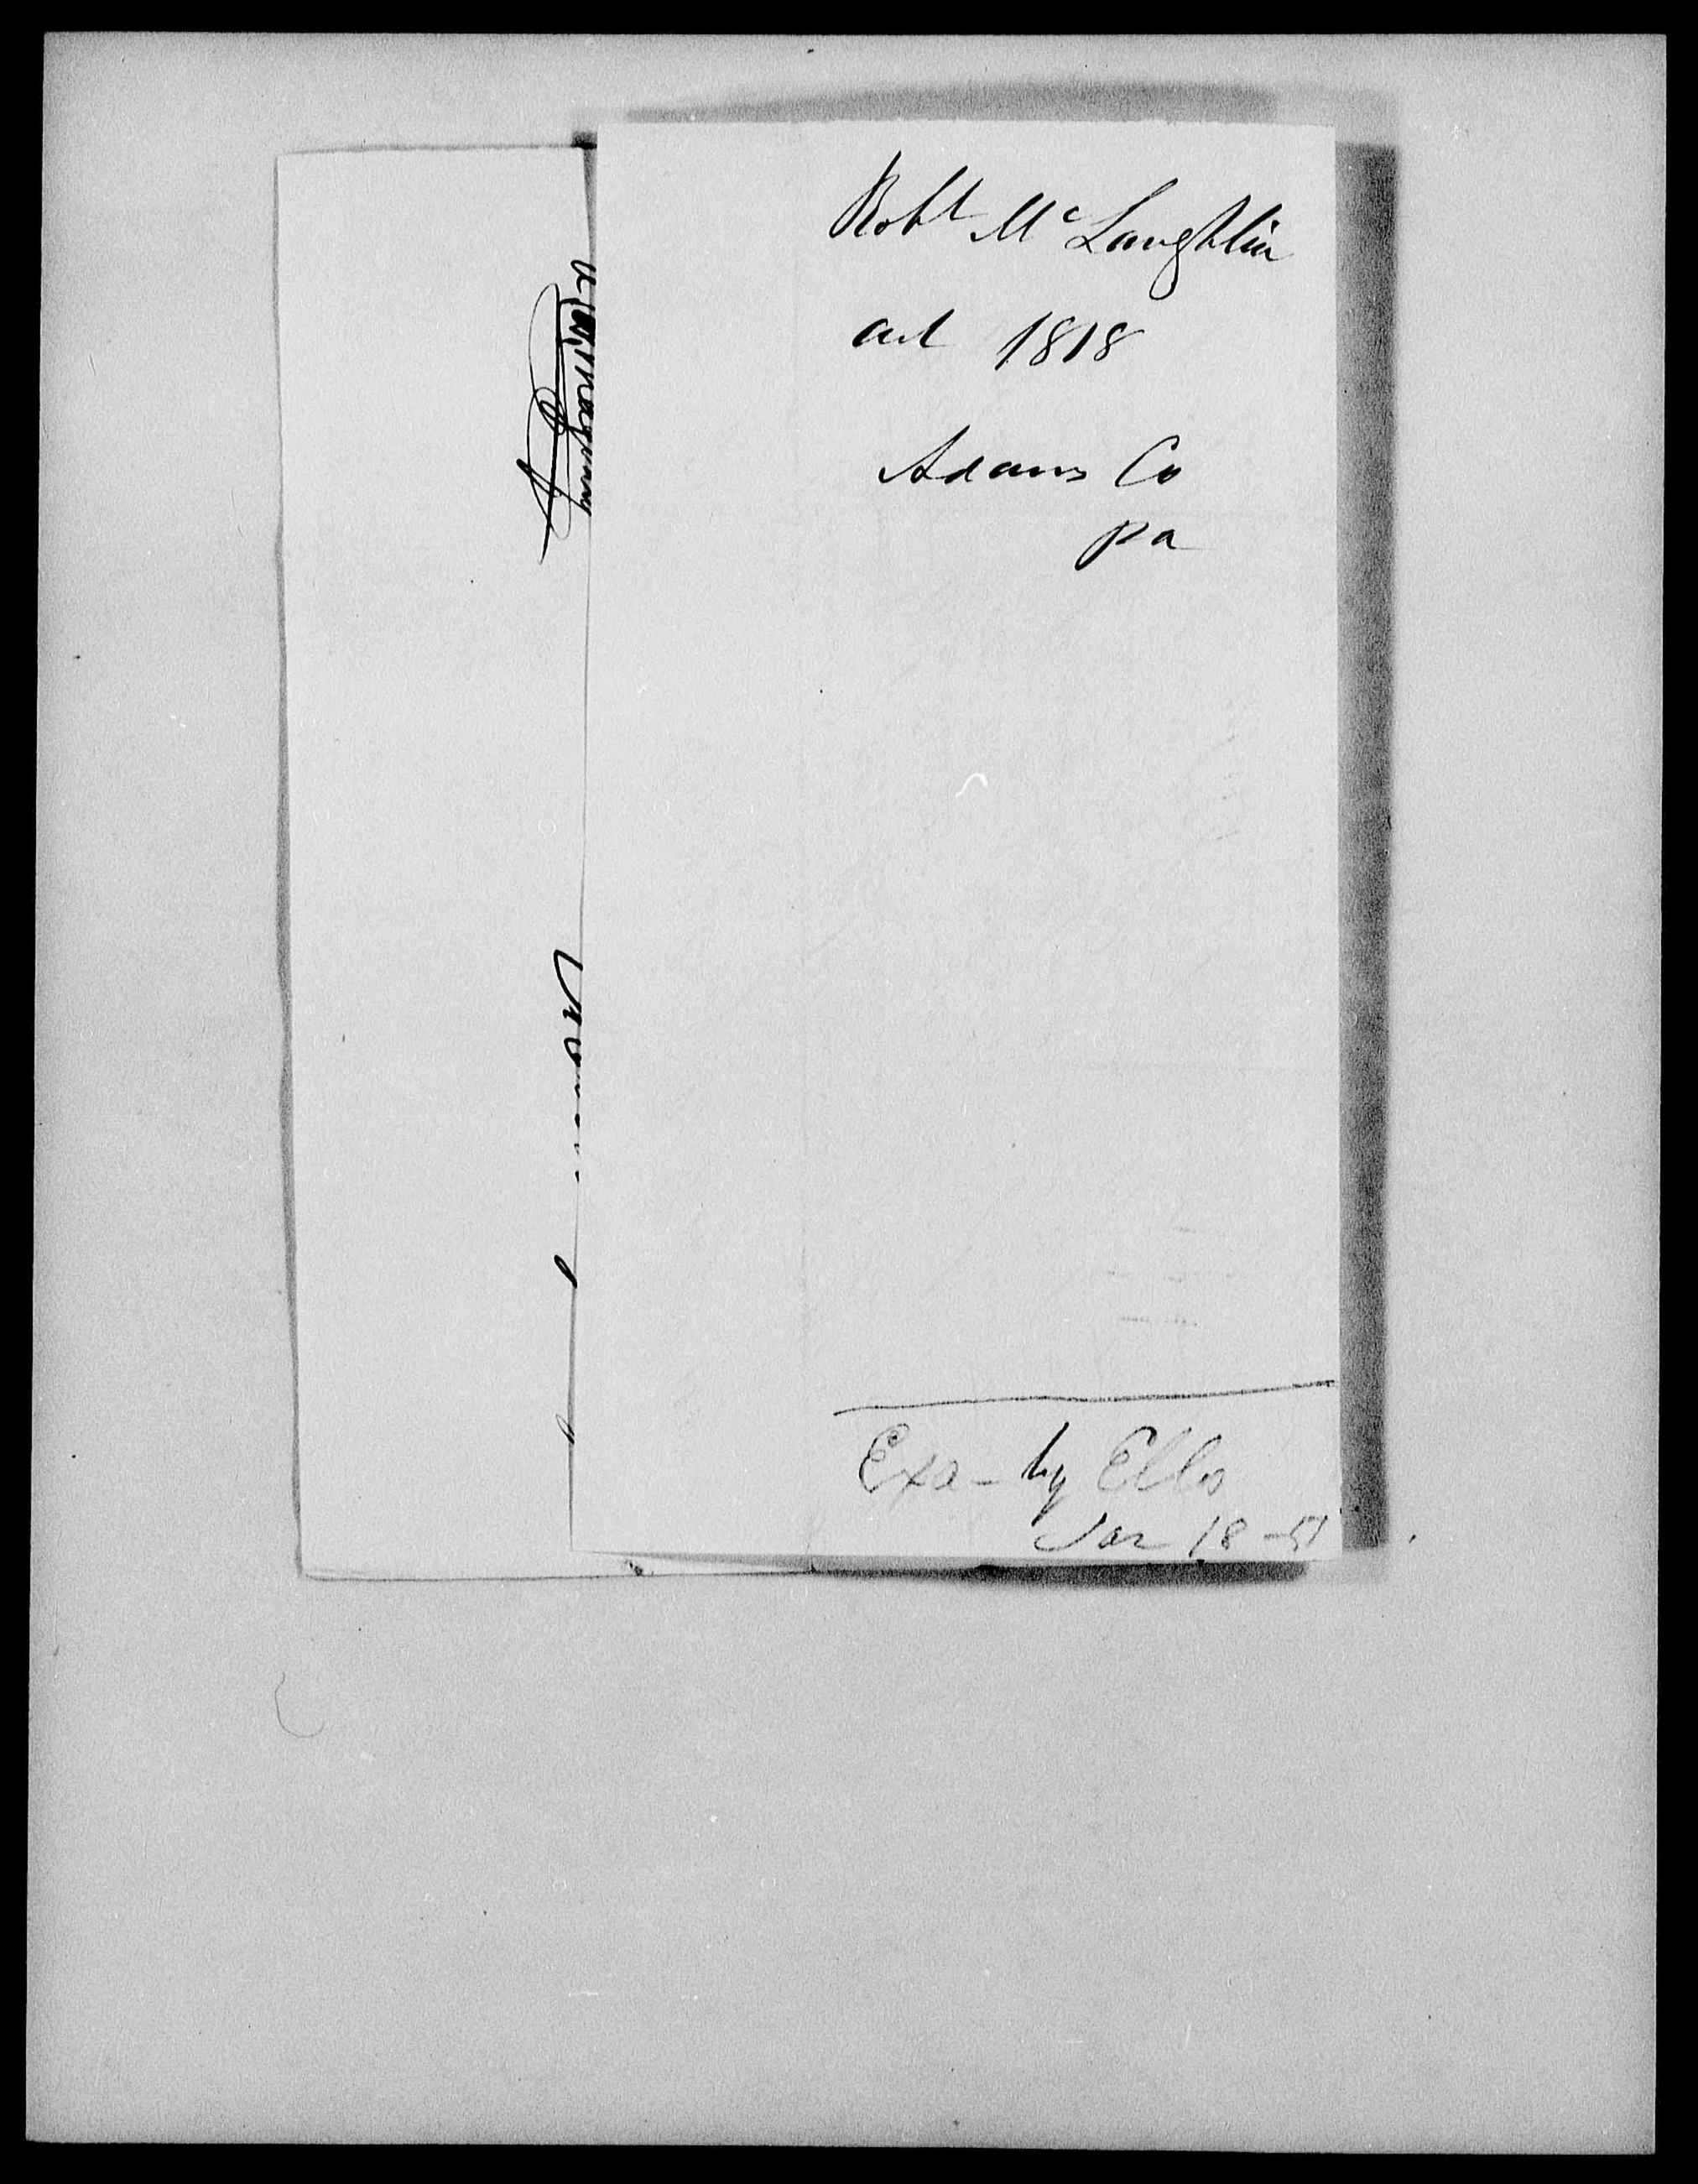[back folded paper]
[top]
Robt McLaughlin
act 1818
Adams Co Pa
[bottom]
Exa - By Ella
Jan 18 -51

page: 3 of 19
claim: survivor's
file: S. 40,146, for Robert Mc Laughlin, Pennsylvania